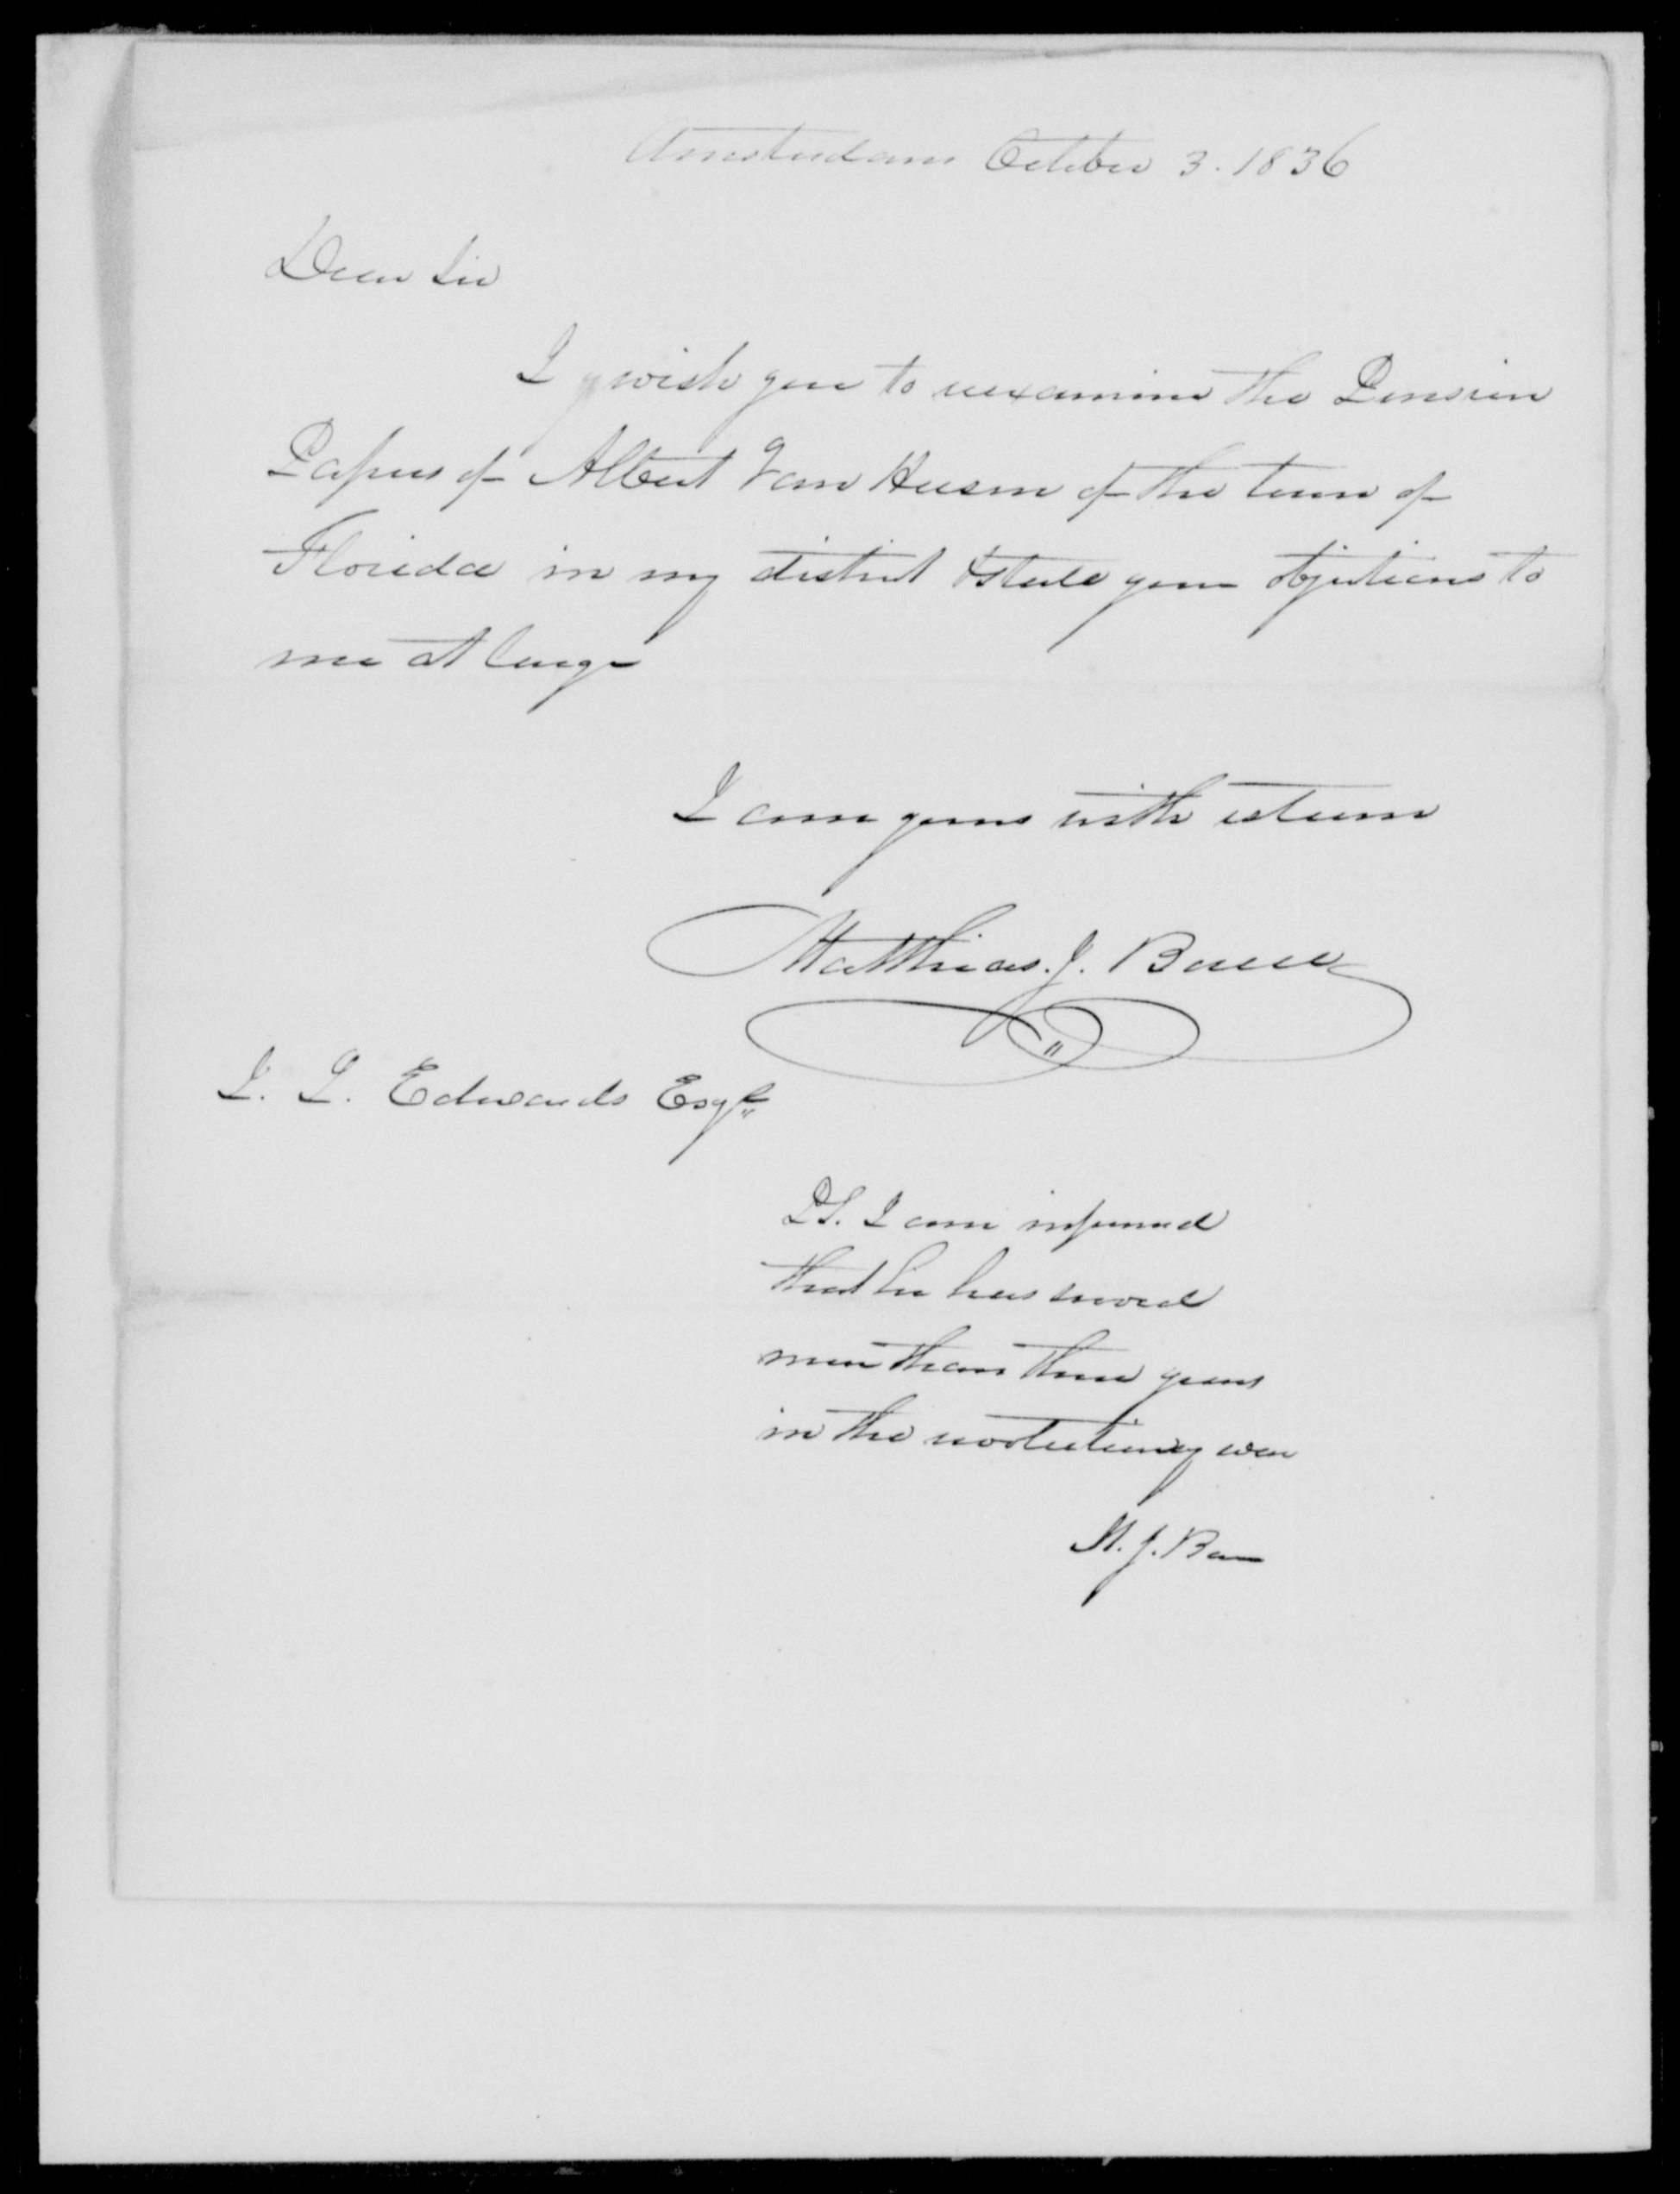Amsterdam October 3. 1836 
Dear Sir
I wish you to reexamine the Pension Papers of Albert Van Husen of the town of Florida in my district & state your objections to me at large 
I am yours with esteem 
[signed] Matthias J. Bovee 

J.L. Edwards Esqr.

P.S. I am informed that he has served more than three years in the revolutionary war 
M. J. Bovee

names: Matthias J Bovee, J L Edwards, Albert Van Husen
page: 27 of 57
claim: survivor's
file: S. 28,925, Albert Van Housen, New York